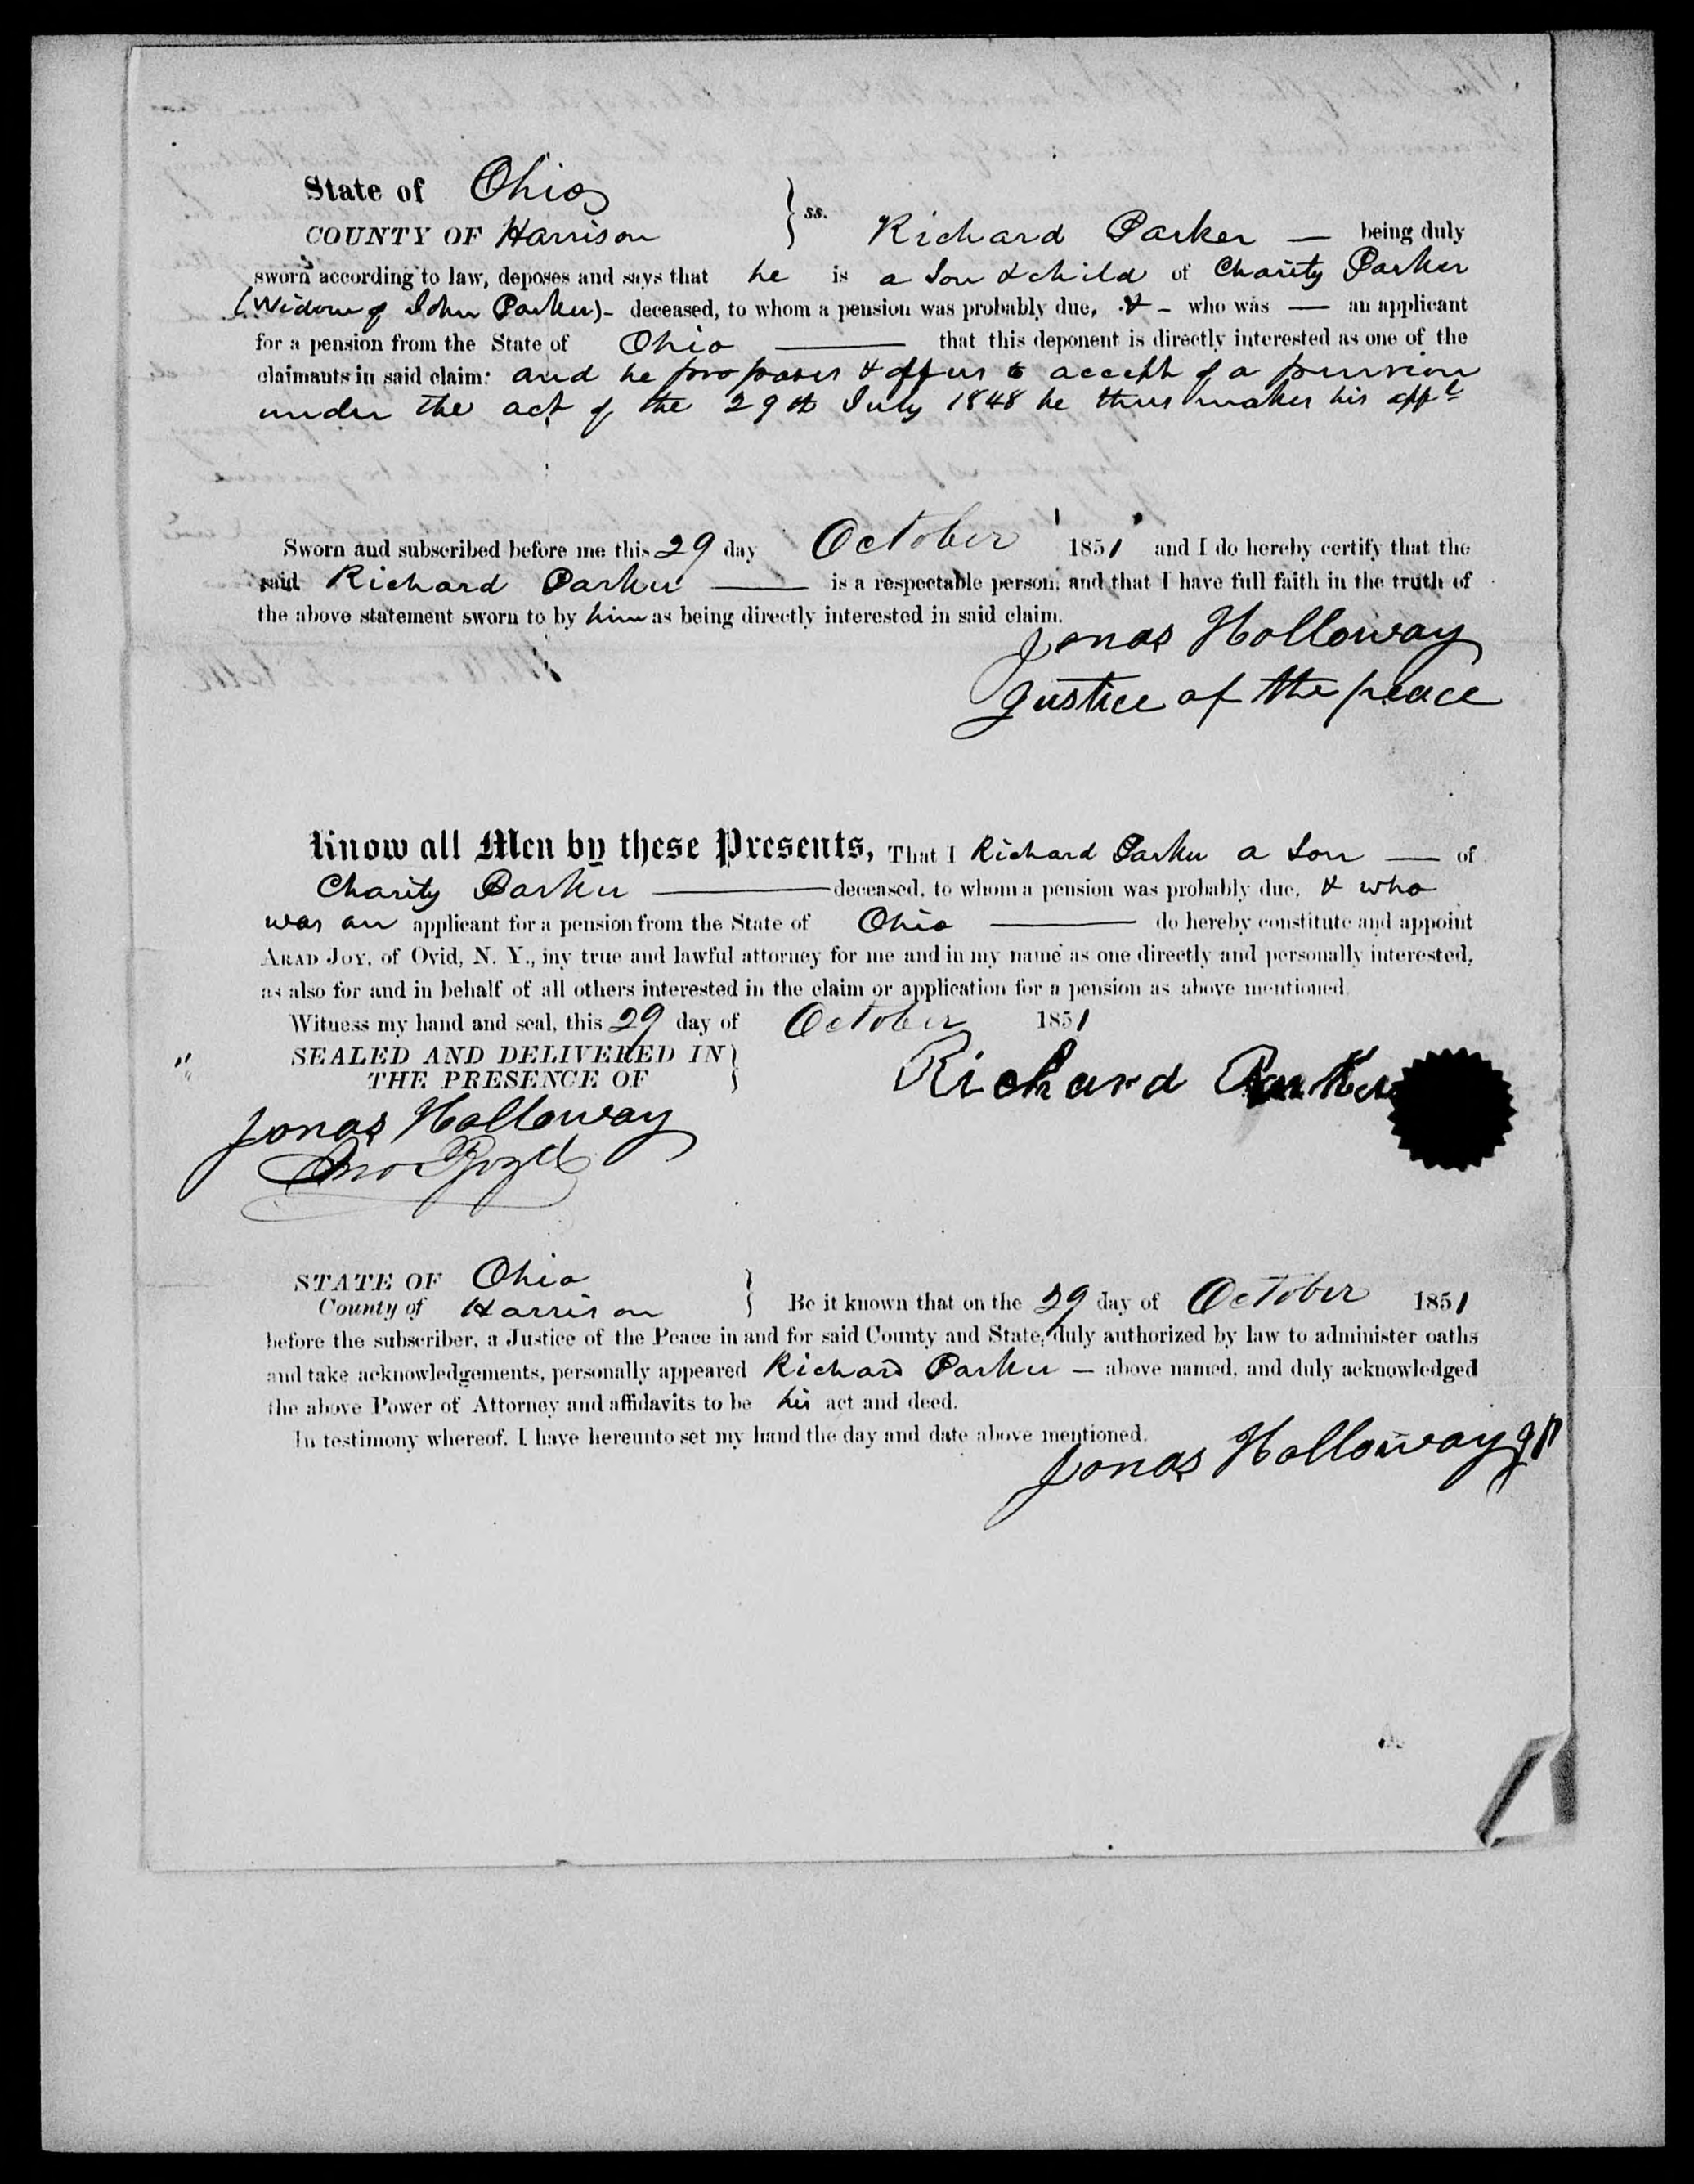State of Ohio }
COUNTY of Harrison } ss. Richard Parker being duly sworn according to law, deposes and says that he is a son & child of Charity Parker (widow of John Parker)- deceased, to whom a pension was probably due, & who was an applicant for a pension from the State of Ohio that this deponent is directly interested as one of the  claimants in said claim and he proposes & offers to accept a pension under the act of the 29th July 1848 he thus makes his appl.

Sworn and subscribed before me this 29 day of October 1851 and I do hereby certify that the said Richard Parker is a respectable person and that I have full faith in the truth of the above statement sworn to by him as being directly interested in said claim.
//s// Jonas Holloway Justice of the Peace

Know all Men by these Presents, That I Richard Parker a son of Charity Parker deceased, to whom a pension was probably due, & who was an applicant for a pension form the State of Ohio do hereby constitute and appoint Arad Joy of Ovid, . Y., my true and lawful attorney for me and in my name as one directly and personally interested, as also for and in behalf of all others interested in his claim or application for a pension as above mentioned.
Witness my hand and seal, this 29 day of October 1851 //s// Richard Parker
SEALED AND DELIVERED IN THE PRESENCE OF }
//s// Jonas Holloway Justice of the Peace  [Seal affixed next to the name]

STATE of Ohio }
County of Harrison }  Be it known that on the 29 day of October 1951 before the subscriber, a Justice of the Peace in and for said County and State, duly authorized by law to administer oaths and take acknowledgments, personally appeared Richard Parker above named, and duly acknowledged the above Power of Attorney and affidavits to be his act and deed.
In testimony whereof, I have hereunto set my hand the day and date above mentioned.
//s// Jonas Holloway JP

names: John Parker; Charity Parker; Jonas Holloway; Jno Boyd; Richard Parker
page: 14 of 40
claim: widow's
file: W. 3,588, for John Parker, Pennsylvania